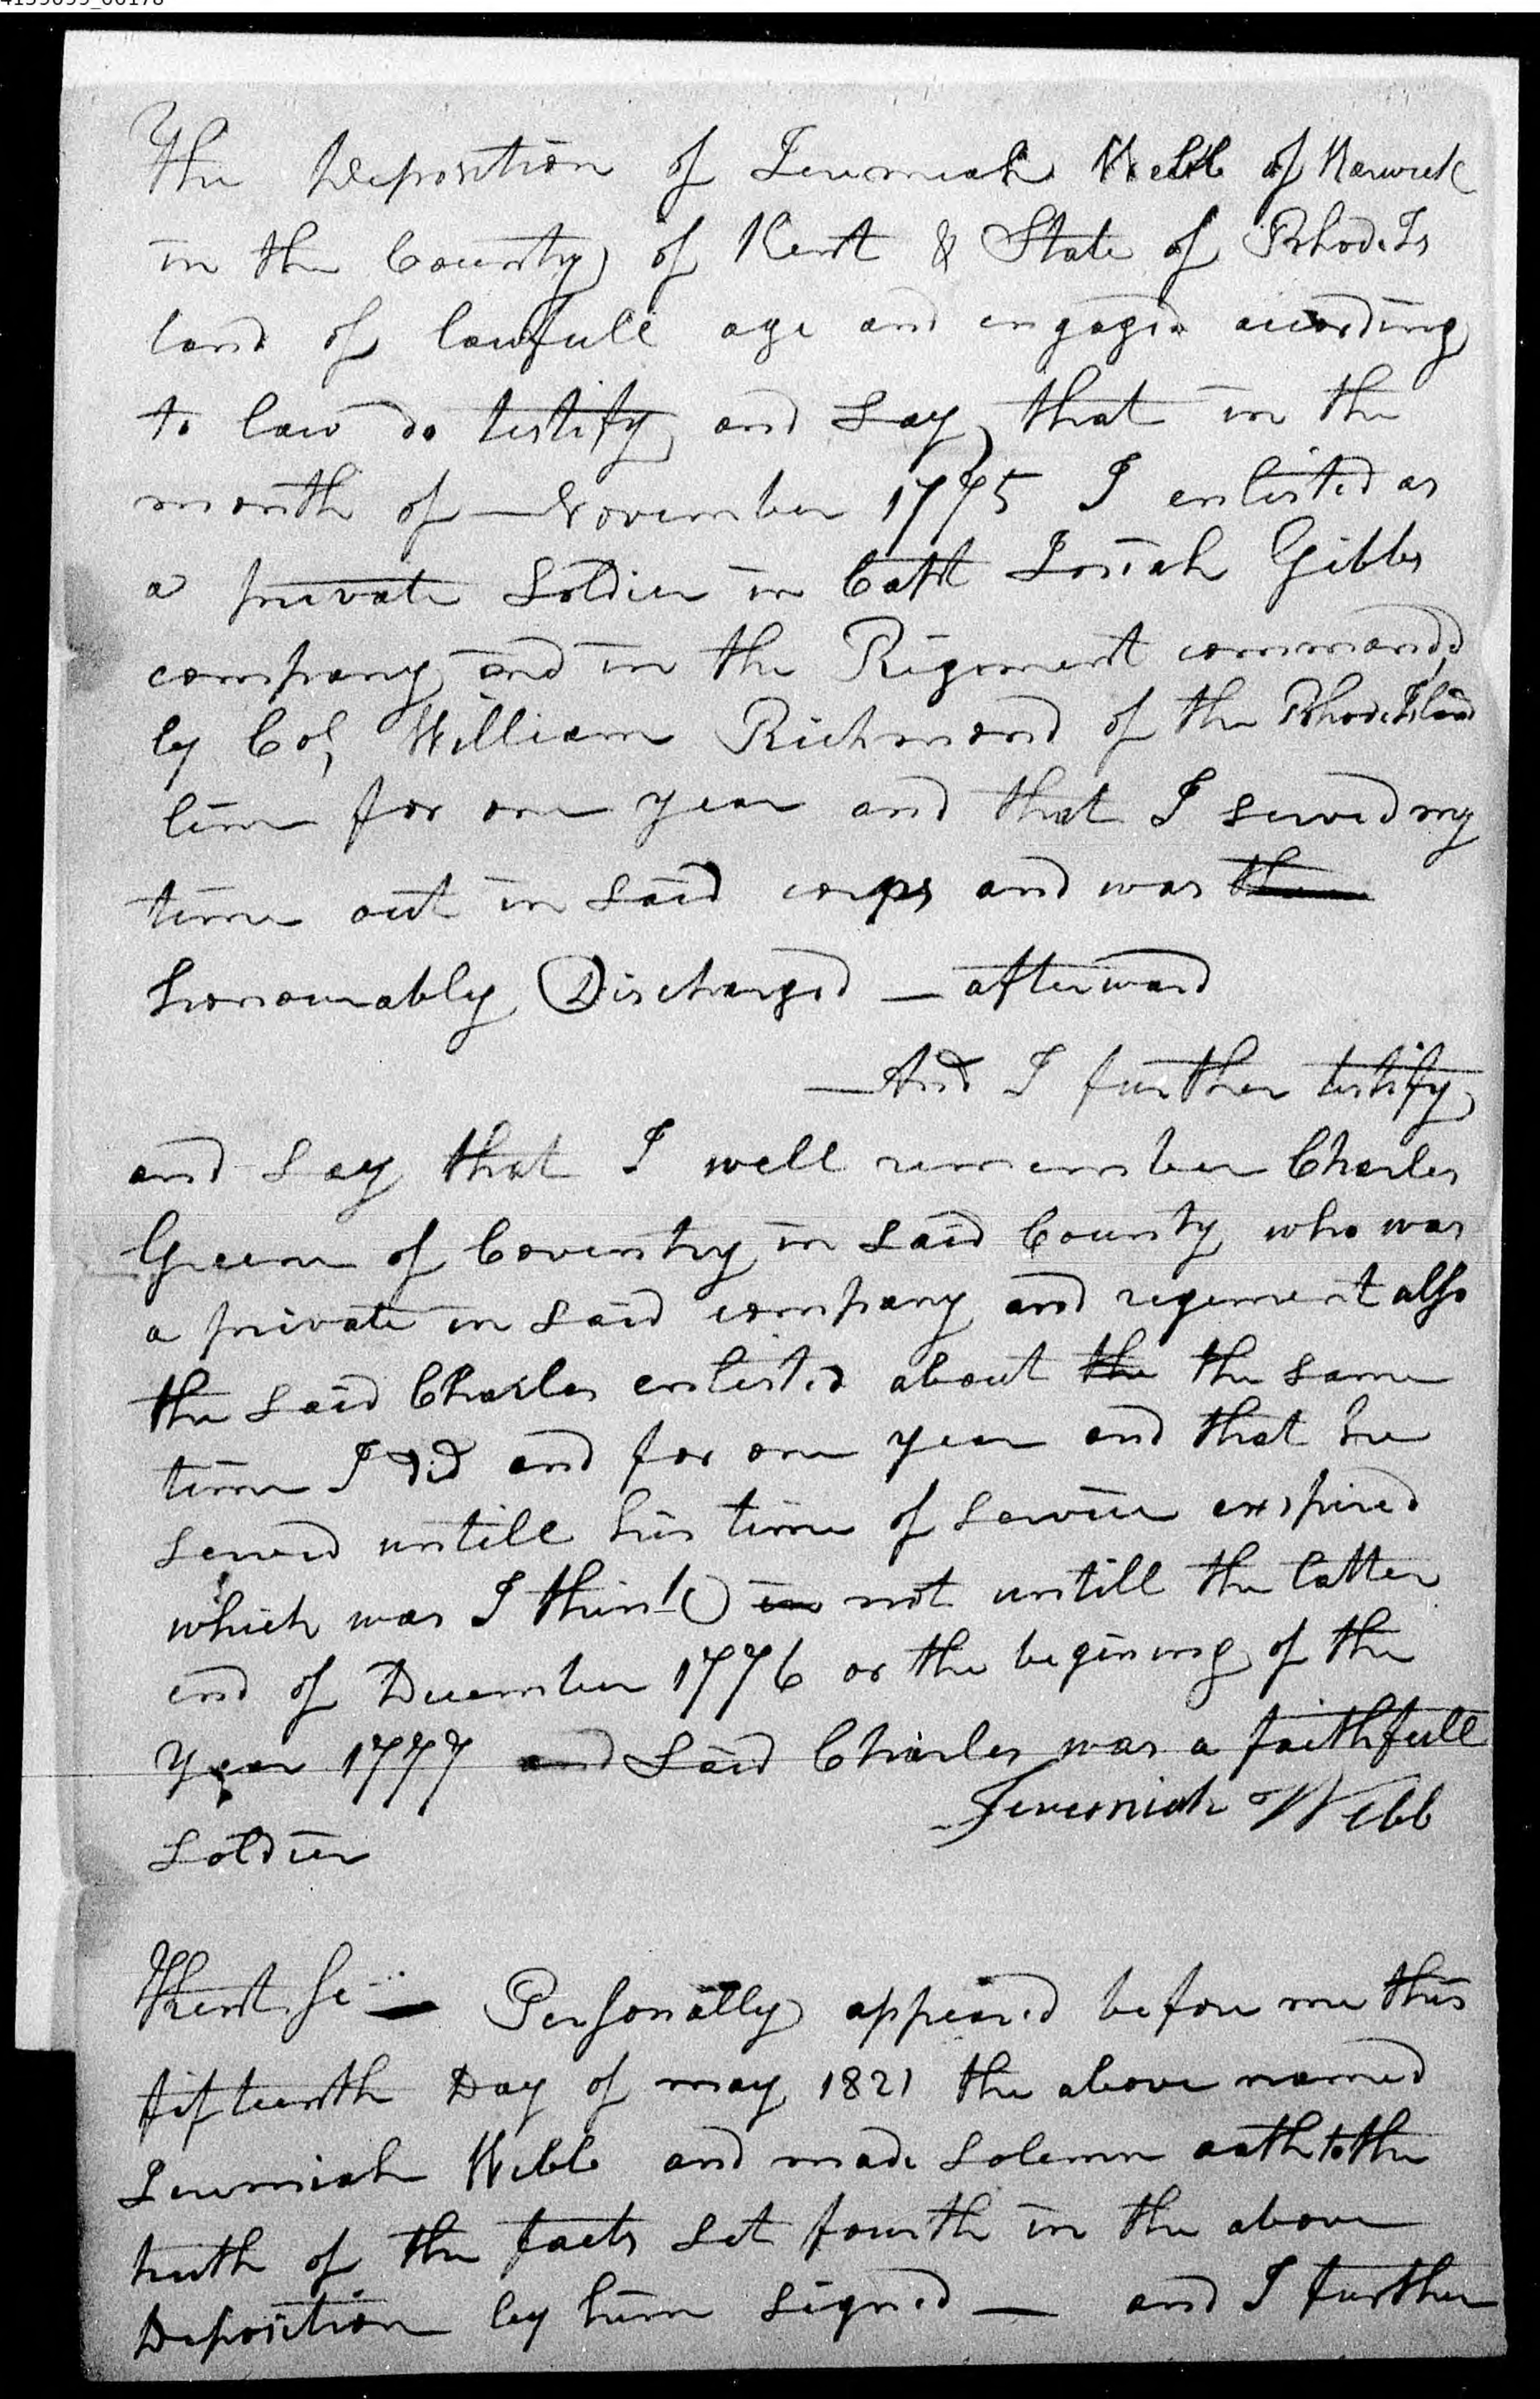The deposition of Jeremiah Webb of Warwick in the County of Kent and State of Rhode Island of lawfull age and engaged according to law do testify and say that on the month of November 1775 I enlisted a private Soldier in Capt Josiah Gibbs company in the Regiment commanded by Col William Richmond of the Rhode Island line for one year and that I served my time out in said corps and was honorably discharged - afterward and I further testify and say that I well remember Charles Greene of Coventry in said county who was a private in said company and regiment also the said Charles enlisted about the same time I did and for one year and that he served until his time of service expired which was I think not until the latter end of December 1776 or the beginning of the year 1777 Said Charles was a faithful Soldier 
Jeremiah Webb
Kent - Personally appeared before me this fifteenth Day of May 1821 the above named Jeremiah Webb and made solemn oath to the truth of the facts set fourth in the above deposition by him signed - and I further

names: Charles, William Richmond, Jeremiah Webb, Jeremiah Webb, Jeremiah Webb, Charles, Charles Green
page: 6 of 20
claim: survivor's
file: S. 38755, Charles Greene, R.I.